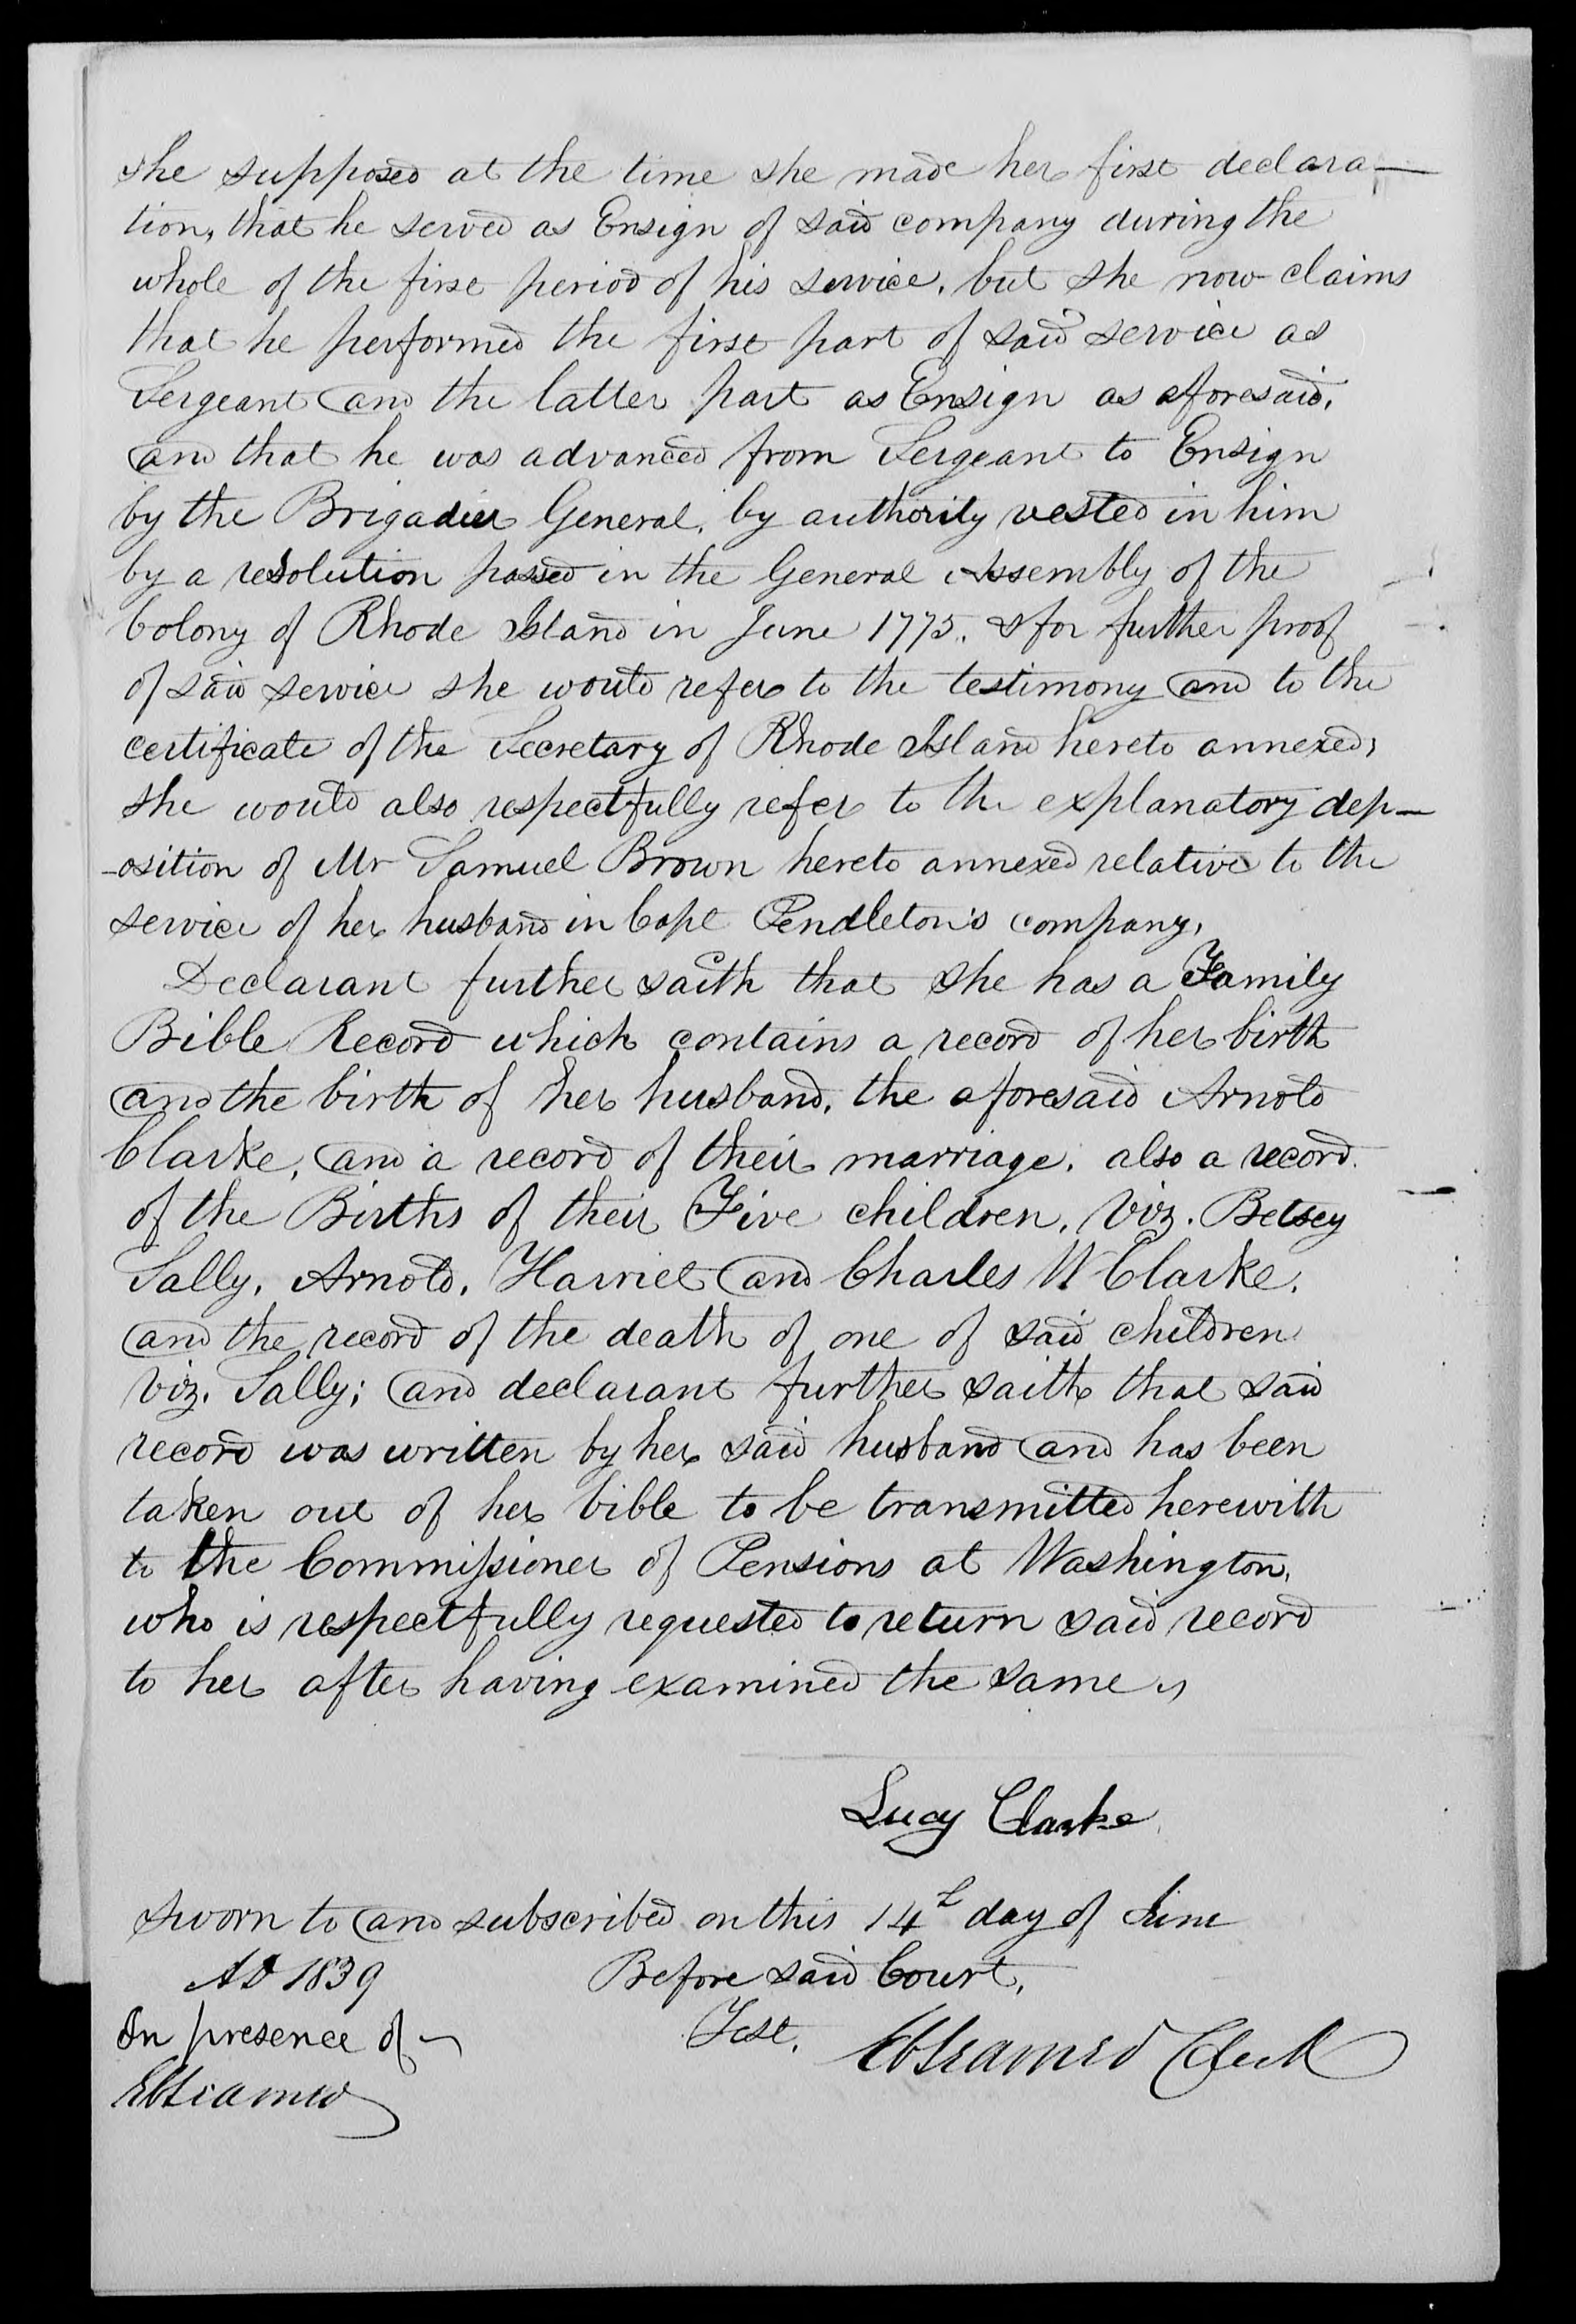she supposed at the time she made her first declaration, that he served as Ensign of said company during the whole of the first period of his service, but she now claims that he performed the first part of said service as Sergeant and the latter part as Ensign as aforesaid, and that he was advanced from Sergeant to Ensign by the Brigadier General, by authority vested in him by a resolution passed in the General Assembly of the colony of Rhode Island in June 1775, & for further proof of said service she would refer to the testimony and to the certificate of the Secretary of Rhode Island hereto annexed; she would also respectfully refer to the explanatory deposition of Mr. Samuel Brown hereto annexed relative to the service of her husband in Capt Pendleton's company.
Declarant further saith that she has a Family Bible Record which contains a record of her birth and the birth of her husband, the aforesaid Arnold Clarke, and a record of their marriage, also a record of the births of their five children. Viz. Betsey, Sally, Arnold, Garnet and Charles W. Clarke, and the record of the death of one of said children viz. Sally' and declarant further saith that said record was written by her said husband and has been taken out of her bible to be transmitted herewith to the Commissioner of Pensions at Washington, who is respectfully requested to return said record to her after having examined the same.
Lucy Clarke

Sworn to and subscribed on this 14th day of June AD 1839. Before said Court,
Test. Eb Learned Clerk

In presence of Eb Learned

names: Sally, Sally Clarke, Arnold Clarke, Charles W Clarke, Betsey Clarke, Lucy Clarke, Arnold Clarke, Eb Learned, Samuel Brown, Harriet Clarke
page: 8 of 48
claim: widow's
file: W. 17,628, Arnold Clarke, R.I.